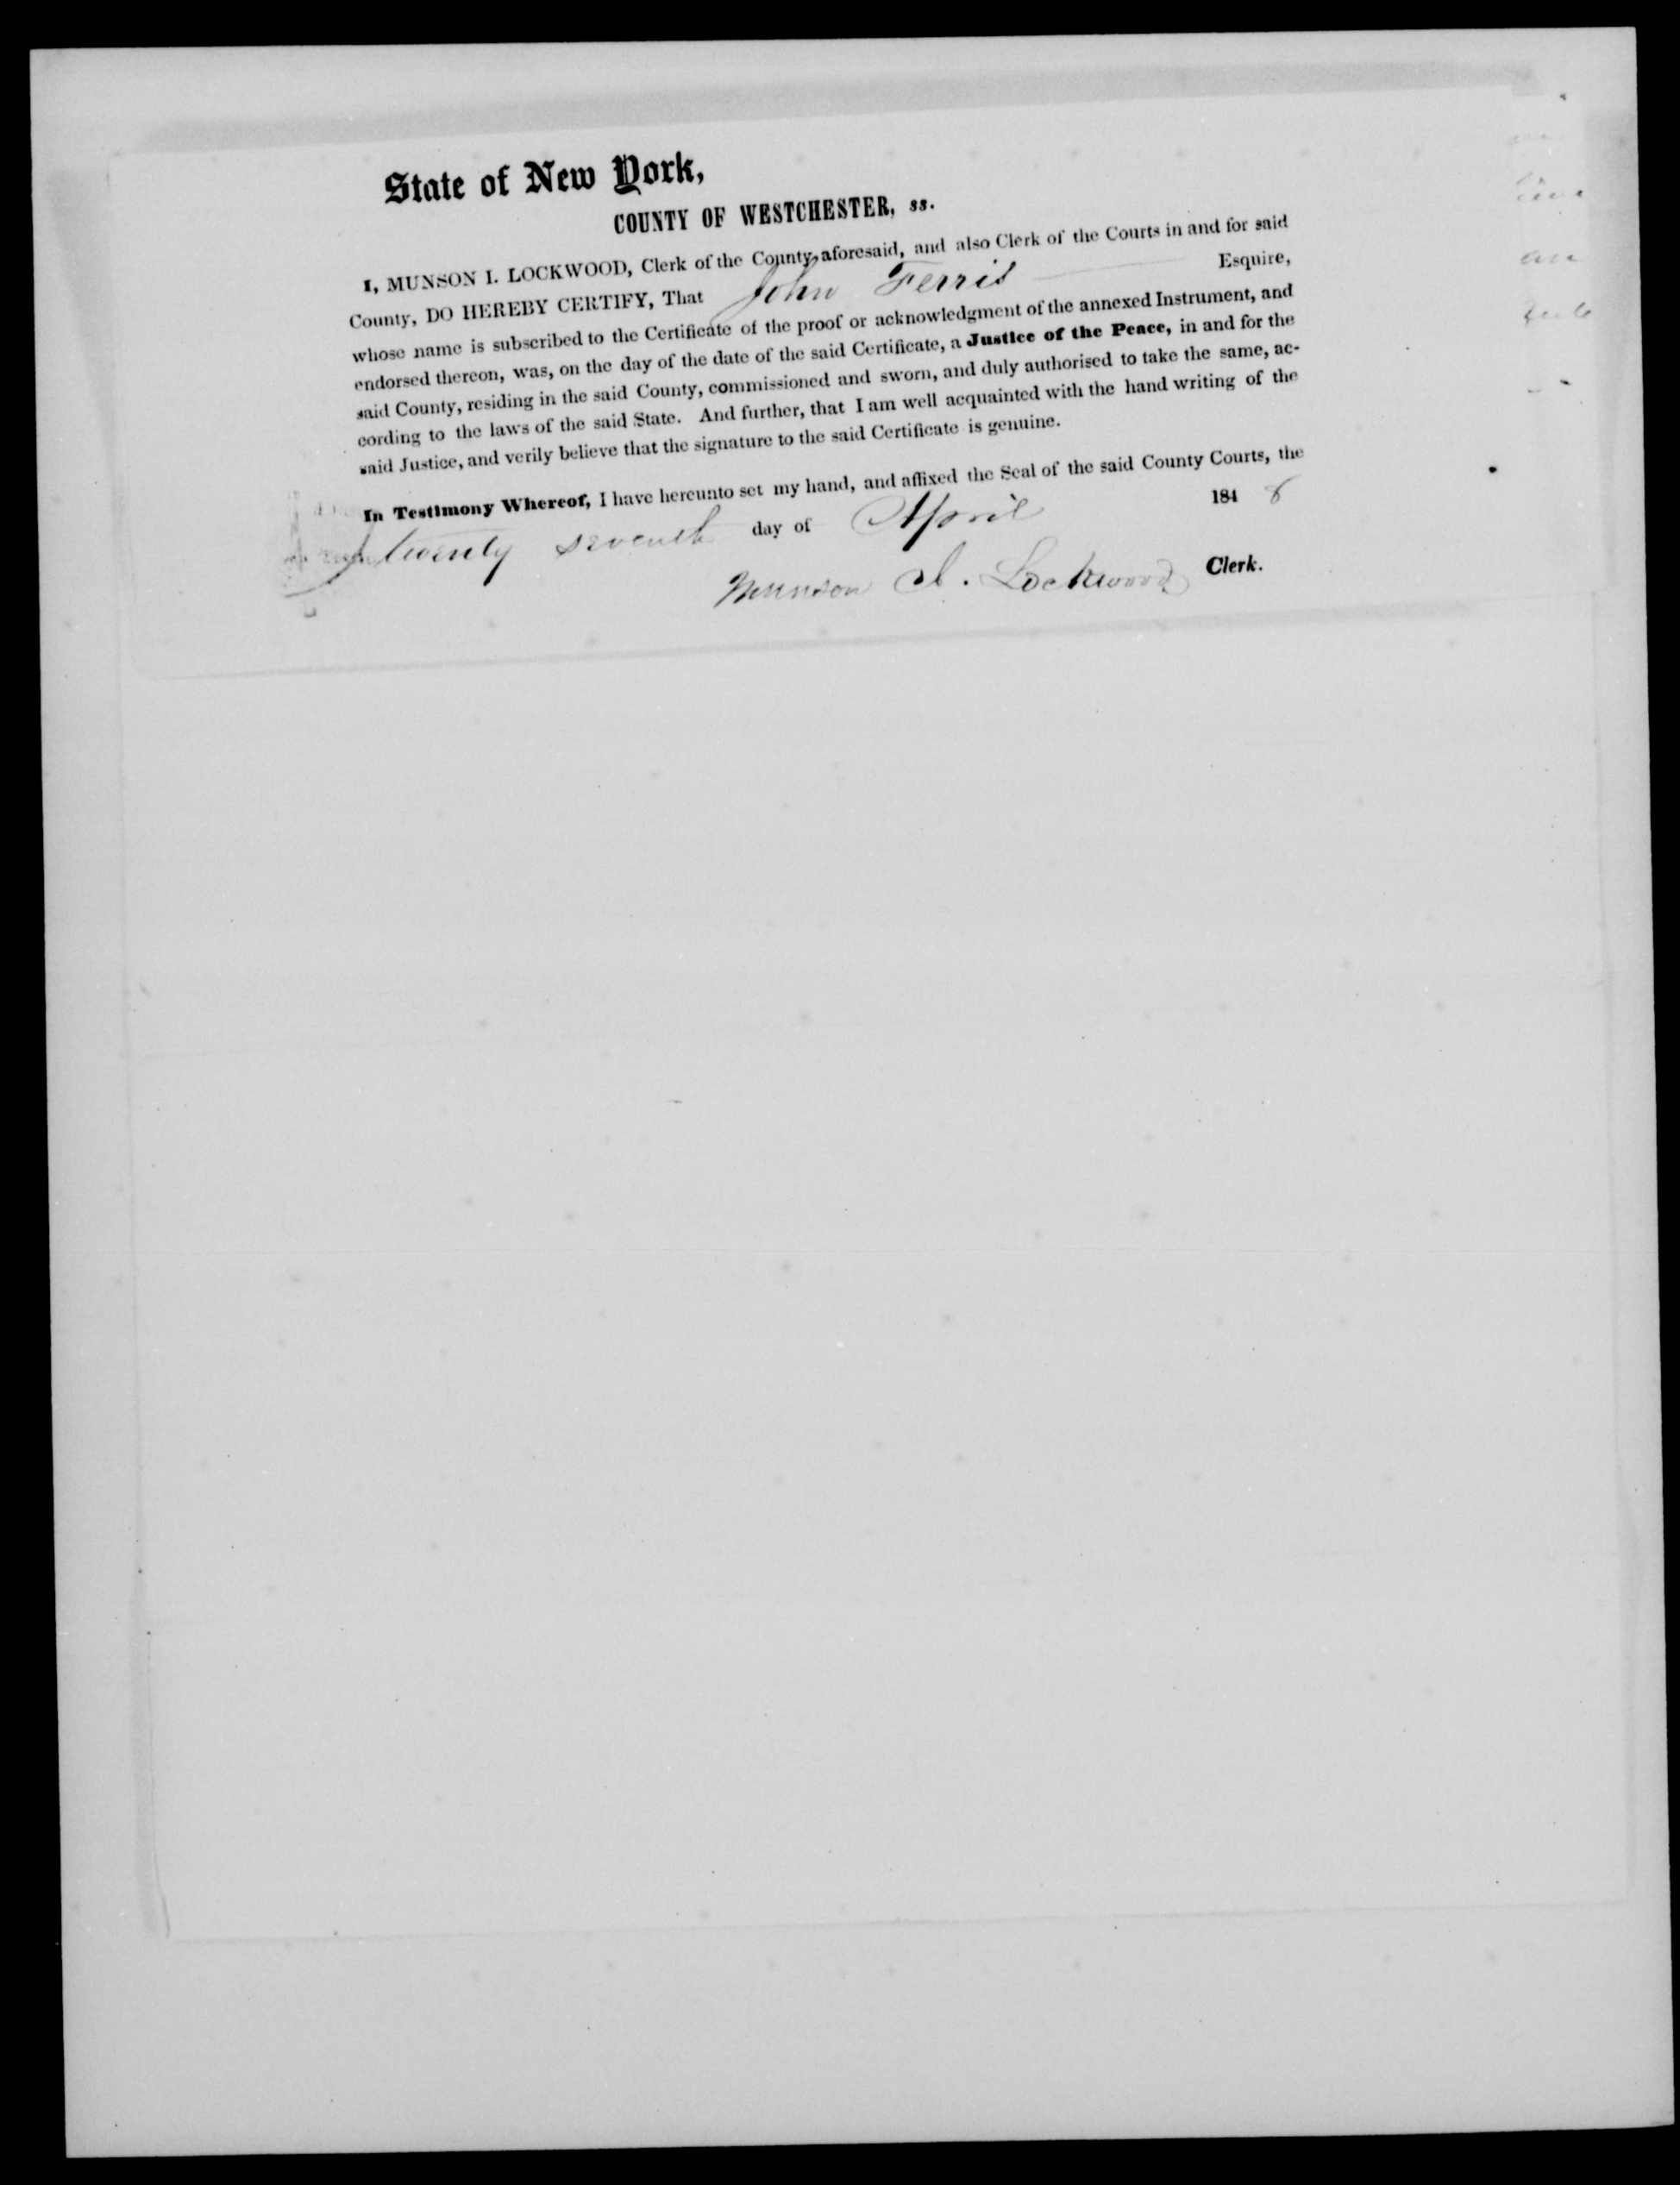State of New York, County of Westchester, ss.
I, Munson I. Lockwood, Clerk of the County aforesaid and also Clerk of the Courts in and for said County, Do Hereby Certify, That John Ferris Esqr. whose name is subscribed to the Certificate of the proof or acknowledgement of the annexed Instrument, and endorsed thereon, was, on the day of the date of the said certificate, a Justice of the Peace in and for the said County, residing in the said County, commissioned and sworn, and duly authorised to take the same, according to the laws of the said State. And, further, that I am well acquainted with the handwriting of the said Justice and verily believe that the signature to the said Certificate is genuine.

In Testimony Whereof, I have hereunto set my hand, and affixed the Seal of the said County Courts, the twenty seventh day of April 1848
Munson I. Lockwood Clerk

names: Munson I Lockwood; John Ferris; Munson I Lockwood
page: 76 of 77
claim: survivor's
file: S. 23003, for Silas Southerland, New York